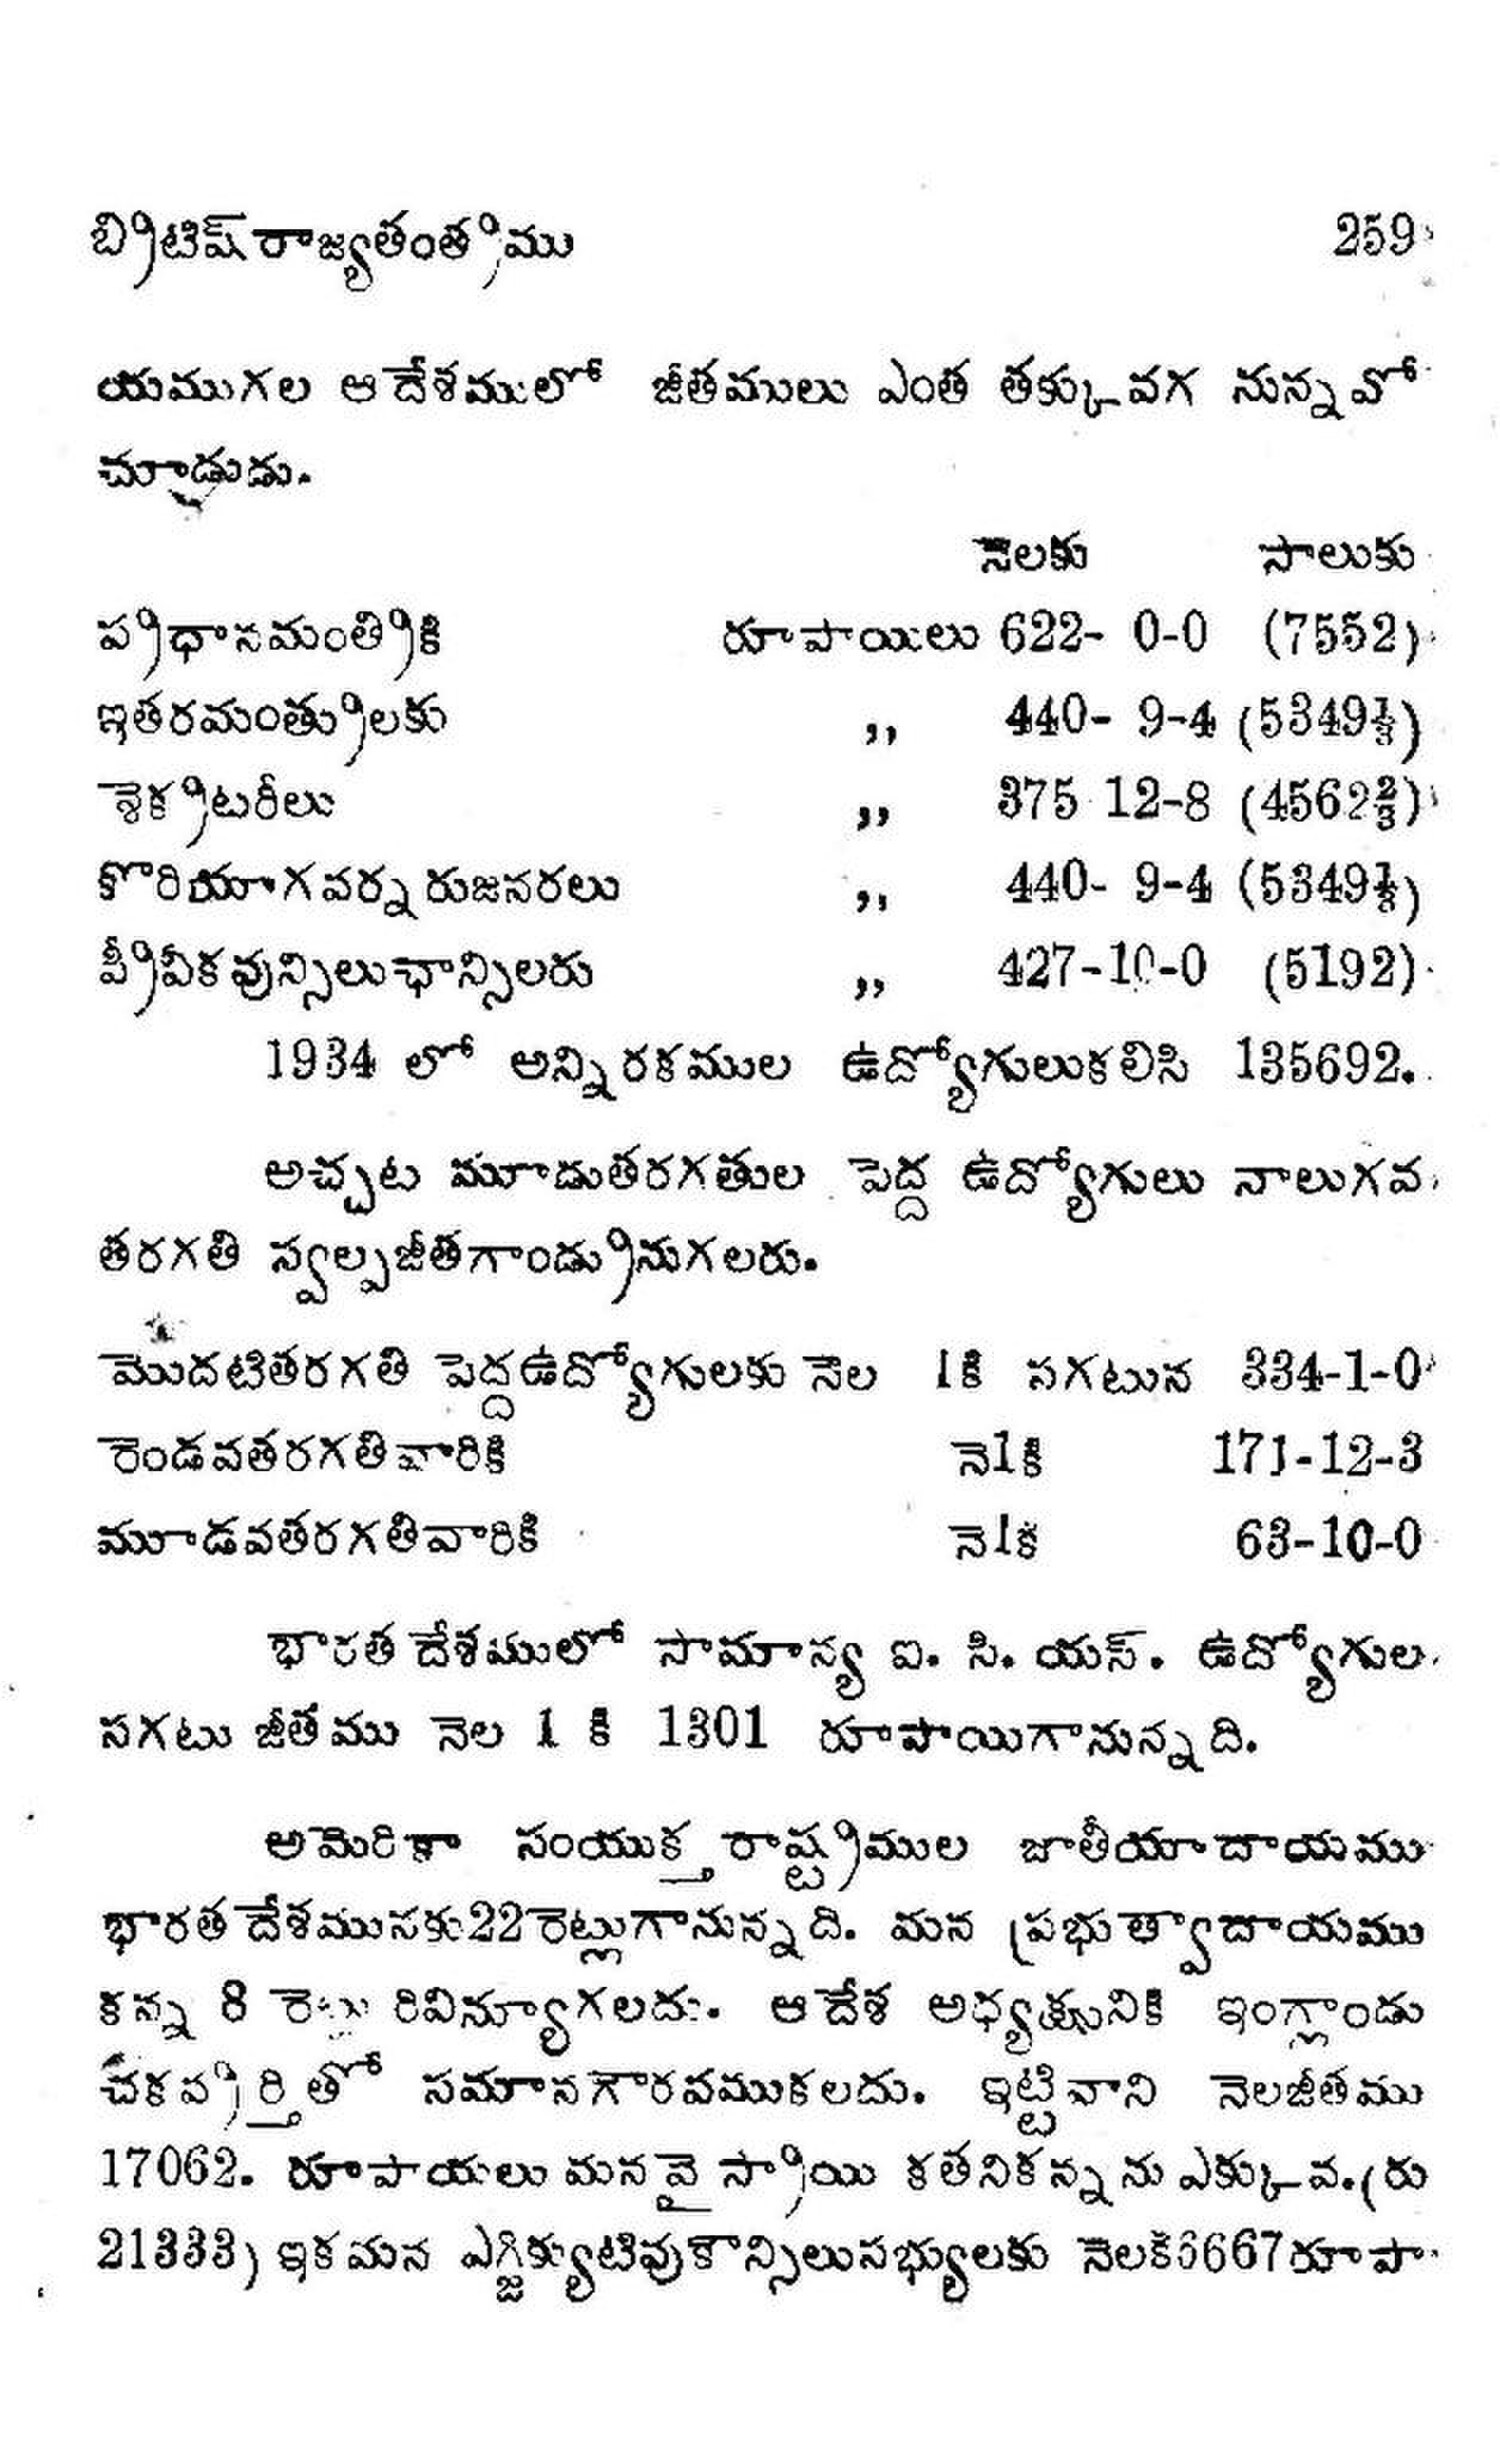యముగల ఆదేశములో జీతములు ఎంత తక్కువగ నున్నవో చూడుడు.

 - నెలకు సాలుకు ప్రధానమంత్రికి రూపాయిలు 622-0-0 (7552) ఇతరమంత్రులకు రూపాయిలు 440-9-4 (5349 1/3) శెక్రటరీలు రూపాయిలు 375-12-8 (4562 2/3) కొరియాగవర్నరుజనరలు రూపాయిలు 440-9-4 (5349 1/3) ప్రీవికవున్సిలుఛాన్సిలరు రూపాయిలు 427-10-0 (5192)

1934 లో అన్నిరకముల ఉద్యోగులుకలిసి 135692.

అచ్చట మూడుతరగతుల పెద్ద ఉద్యోగులు నాలుగవతరగతి స్వల్పజీతగాండ్రునుగలరు.

 మొదటితరగతి పెద్దఉద్యోగులకు నెల 1కి సగటున 334-1-0 రెండవతరగతివారికి నెల 1కి 171-12-3 మూడవతరగతివారికి నెల 1కి 63-10-0

భారతదేశములో సామాన్య ఐ. సి. యస్. ఉద్యోగుల, సగటు జీతము నెల 1కి 1301 రూపాయిగానున్నది.

అమెరికా సంయుక్త రాష్ట్రముల జాతీయాదాయము భారతదేశమునకు 22 రెట్లుగానున్నది. మన ప్రభుత్వాదాయము కన్న 8 రెట్లు రివిన్యూగలదు. ఆదేశ అధ్యక్షునికి ఇంగ్లాండు చక్రవర్తితో సమానగౌరవముకలదు. ఇట్టివాని నెలజీతము 17062. రూపాయలు మనవైస్రాయి కతనికన్నను ఎక్కువ.(రు 21333) ఇకమన ఎగ్జిక్యుటివుకౌన్సిలుసభ్యులకు నెలకి 6667 రూపా